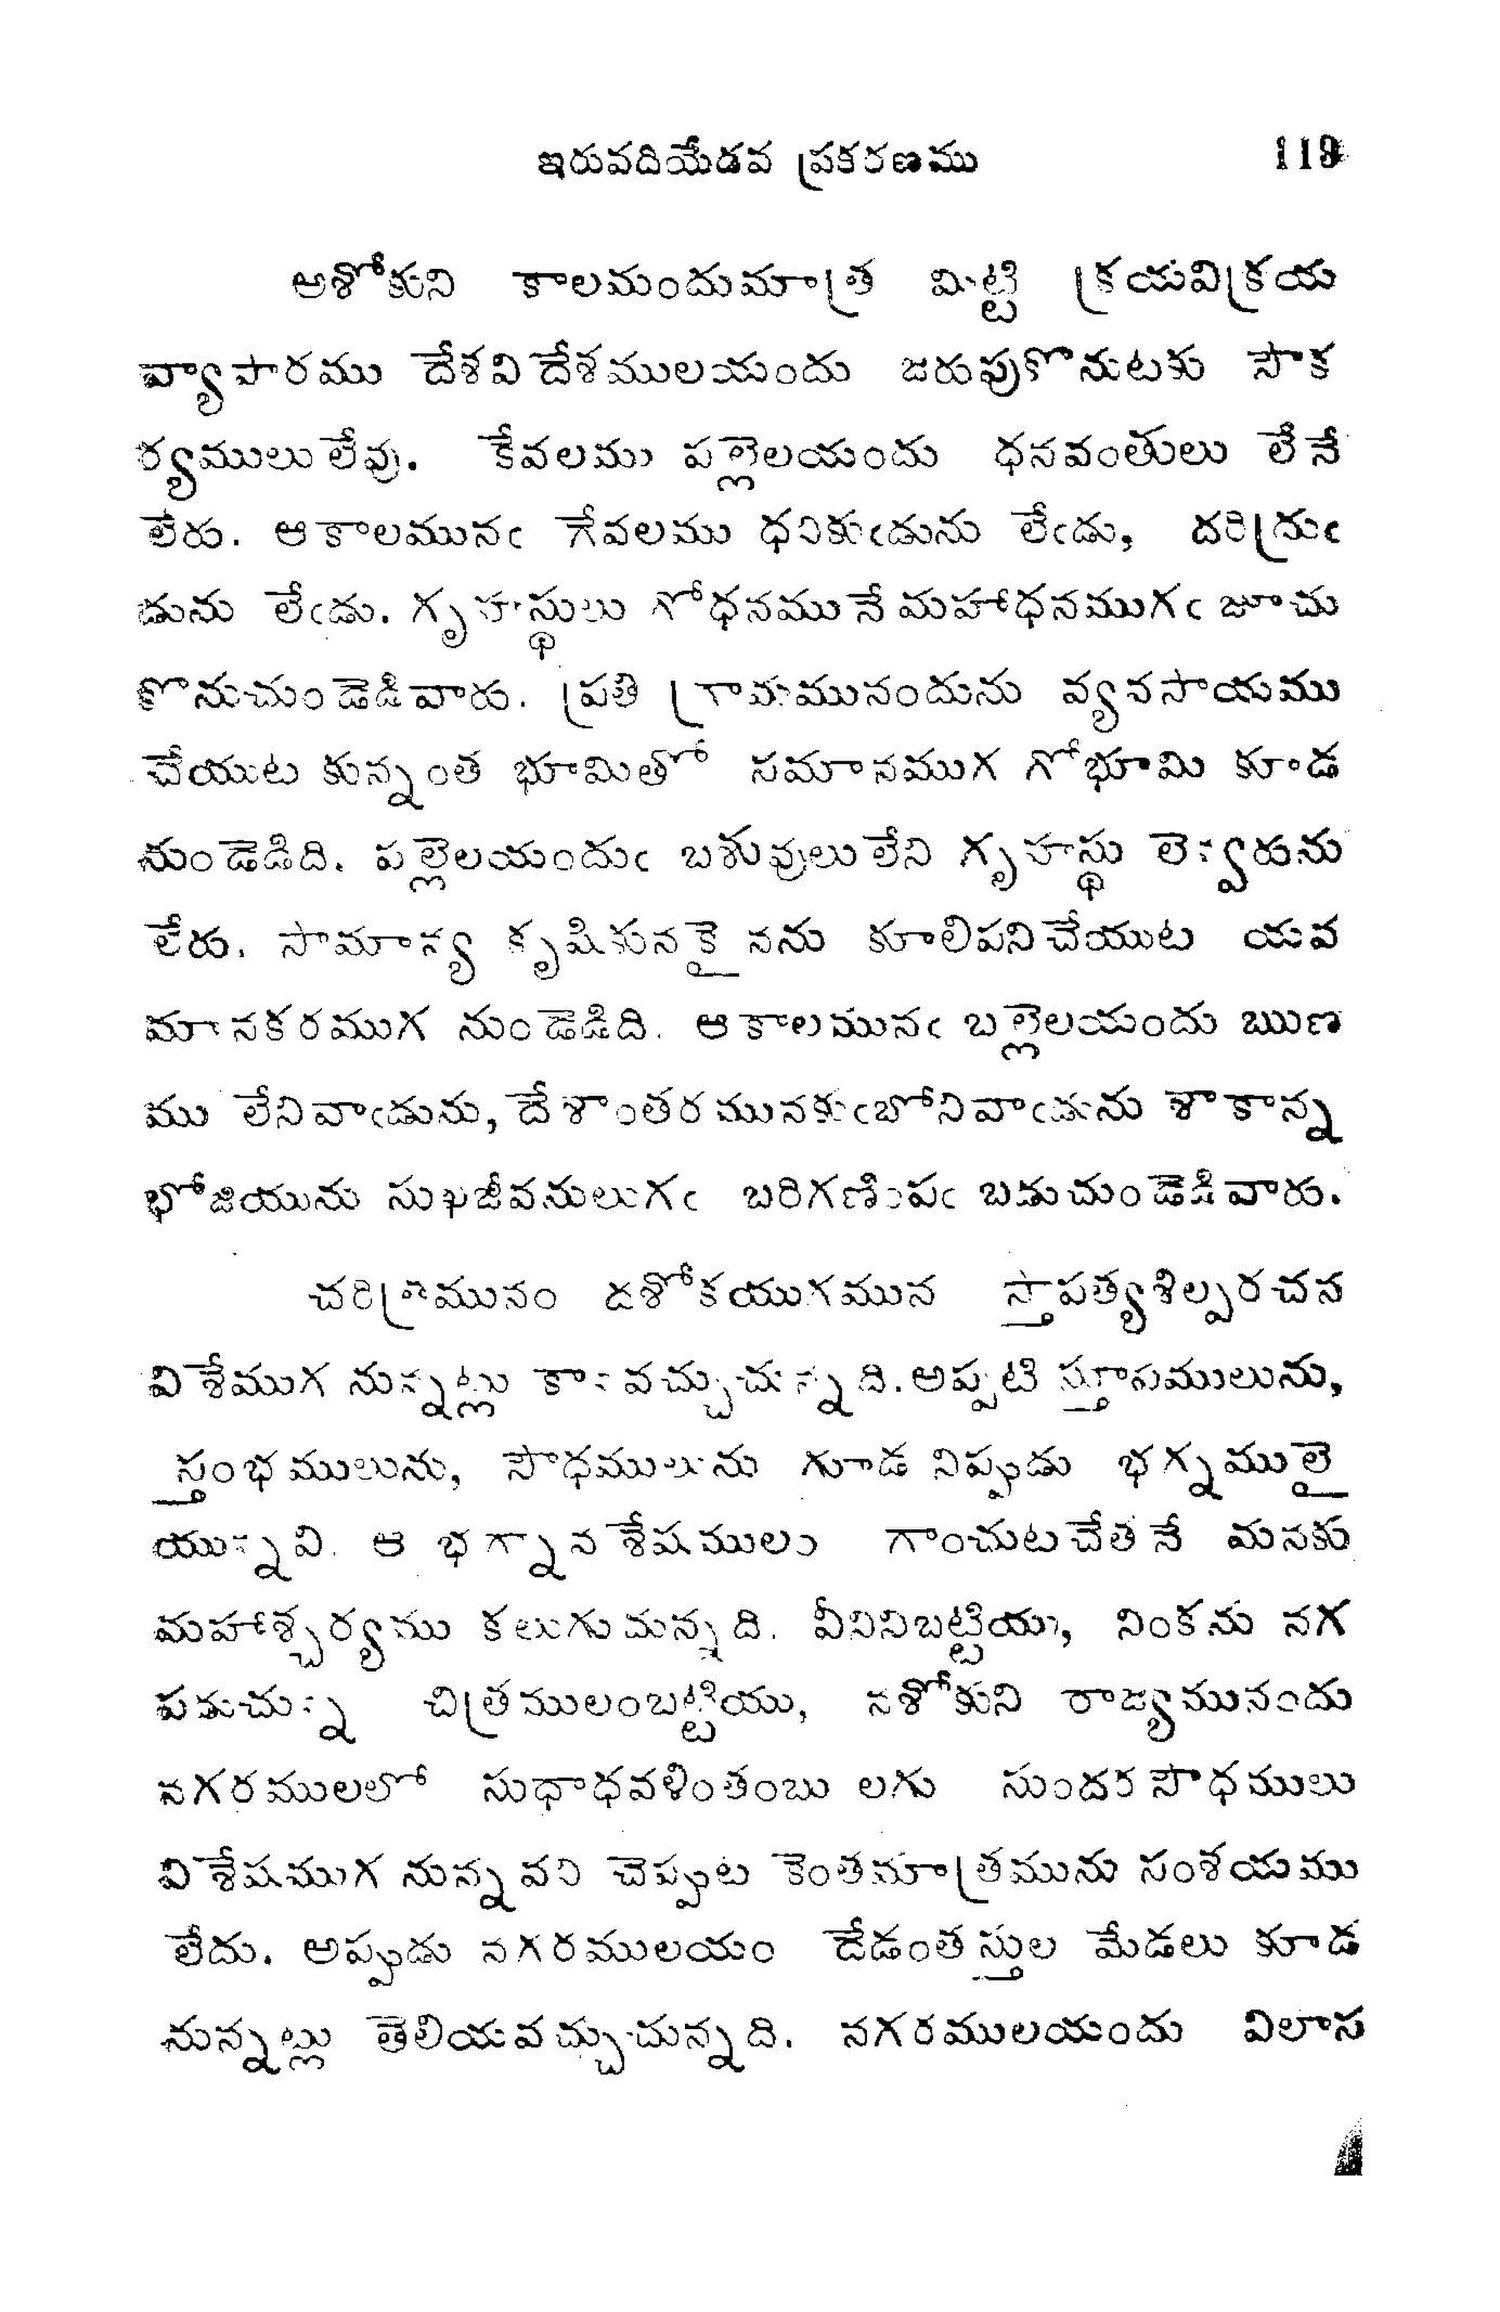అశోకుని కాలమందుమాత్ర మిట్టి క్రయవిక్రయ వ్యాపారము దేశవిదేశములయందు జరుపుకొనుటకు సౌకర్యములు లేవు. కేవలము పల్లెలయందు ధనవంతులు లేనే లేరు. ఆ కాలమునఁ గేవలము ధనికుఁడును లేఁడు, దరిద్రుఁడును లేఁడు. గృహస్థులు గోధనము నే మహాధనముగఁ జూచు కొనుచుండెడి వారు. ప్రతి గ్రామమునందును వ్యవసాయము చేయుట కున్నంత భూమితో సమానముగ గోభూమి కూడ నుండెడిది. పల్లెలయందుఁ బశువులు లేని గృహస్థు లెవ్వరును లేరు. సామాన్య కృషికునకై నను కూలిపని చేయుట యవమానకరముగ నుండెడిది. ఆ కాలమునఁ బల్లెలయందు ఋణము లేనివాఁడును, దేశాంతరమునకుఁబోని వాఁడును శాకాన్నభోజియును సుఖజీవనులుగఁ బరిగణింపఁ బడుచుండెడివారు.

చరిత్రమునం దశోక యుగమున స్తాపత్య శిల్పరచన విశేముగ నున్నట్లు కాన వచ్చుచున్నది. అప్పటి స్తూపములును, స్తంభములును, సౌధములు ను గూడ నిప్పుడు భగ్నములై
యున్నవి. ఆ భగ్నావ శేషములం గాంచుట చేతనే మనకు మహాశ్చర్యము కలుగుచున్నది. వీనిని బట్టియు, నింకను నగపడుచున్న చిత్రములంబట్టియు, నశోకుని రాజ్యమునందు
నగరములలో సుధాధవళింతంబు లగు సుందర సౌధములు విశేషముగ నున్నవని చెప్పుట కెంతనూత్రమును సంశయము లేదు. అప్పుడు నగరములయం డేడంతస్తుల మేడలు కూడ
నున్నట్లు తెలియవచ్చుచున్నది. నగరములయందు విలాస